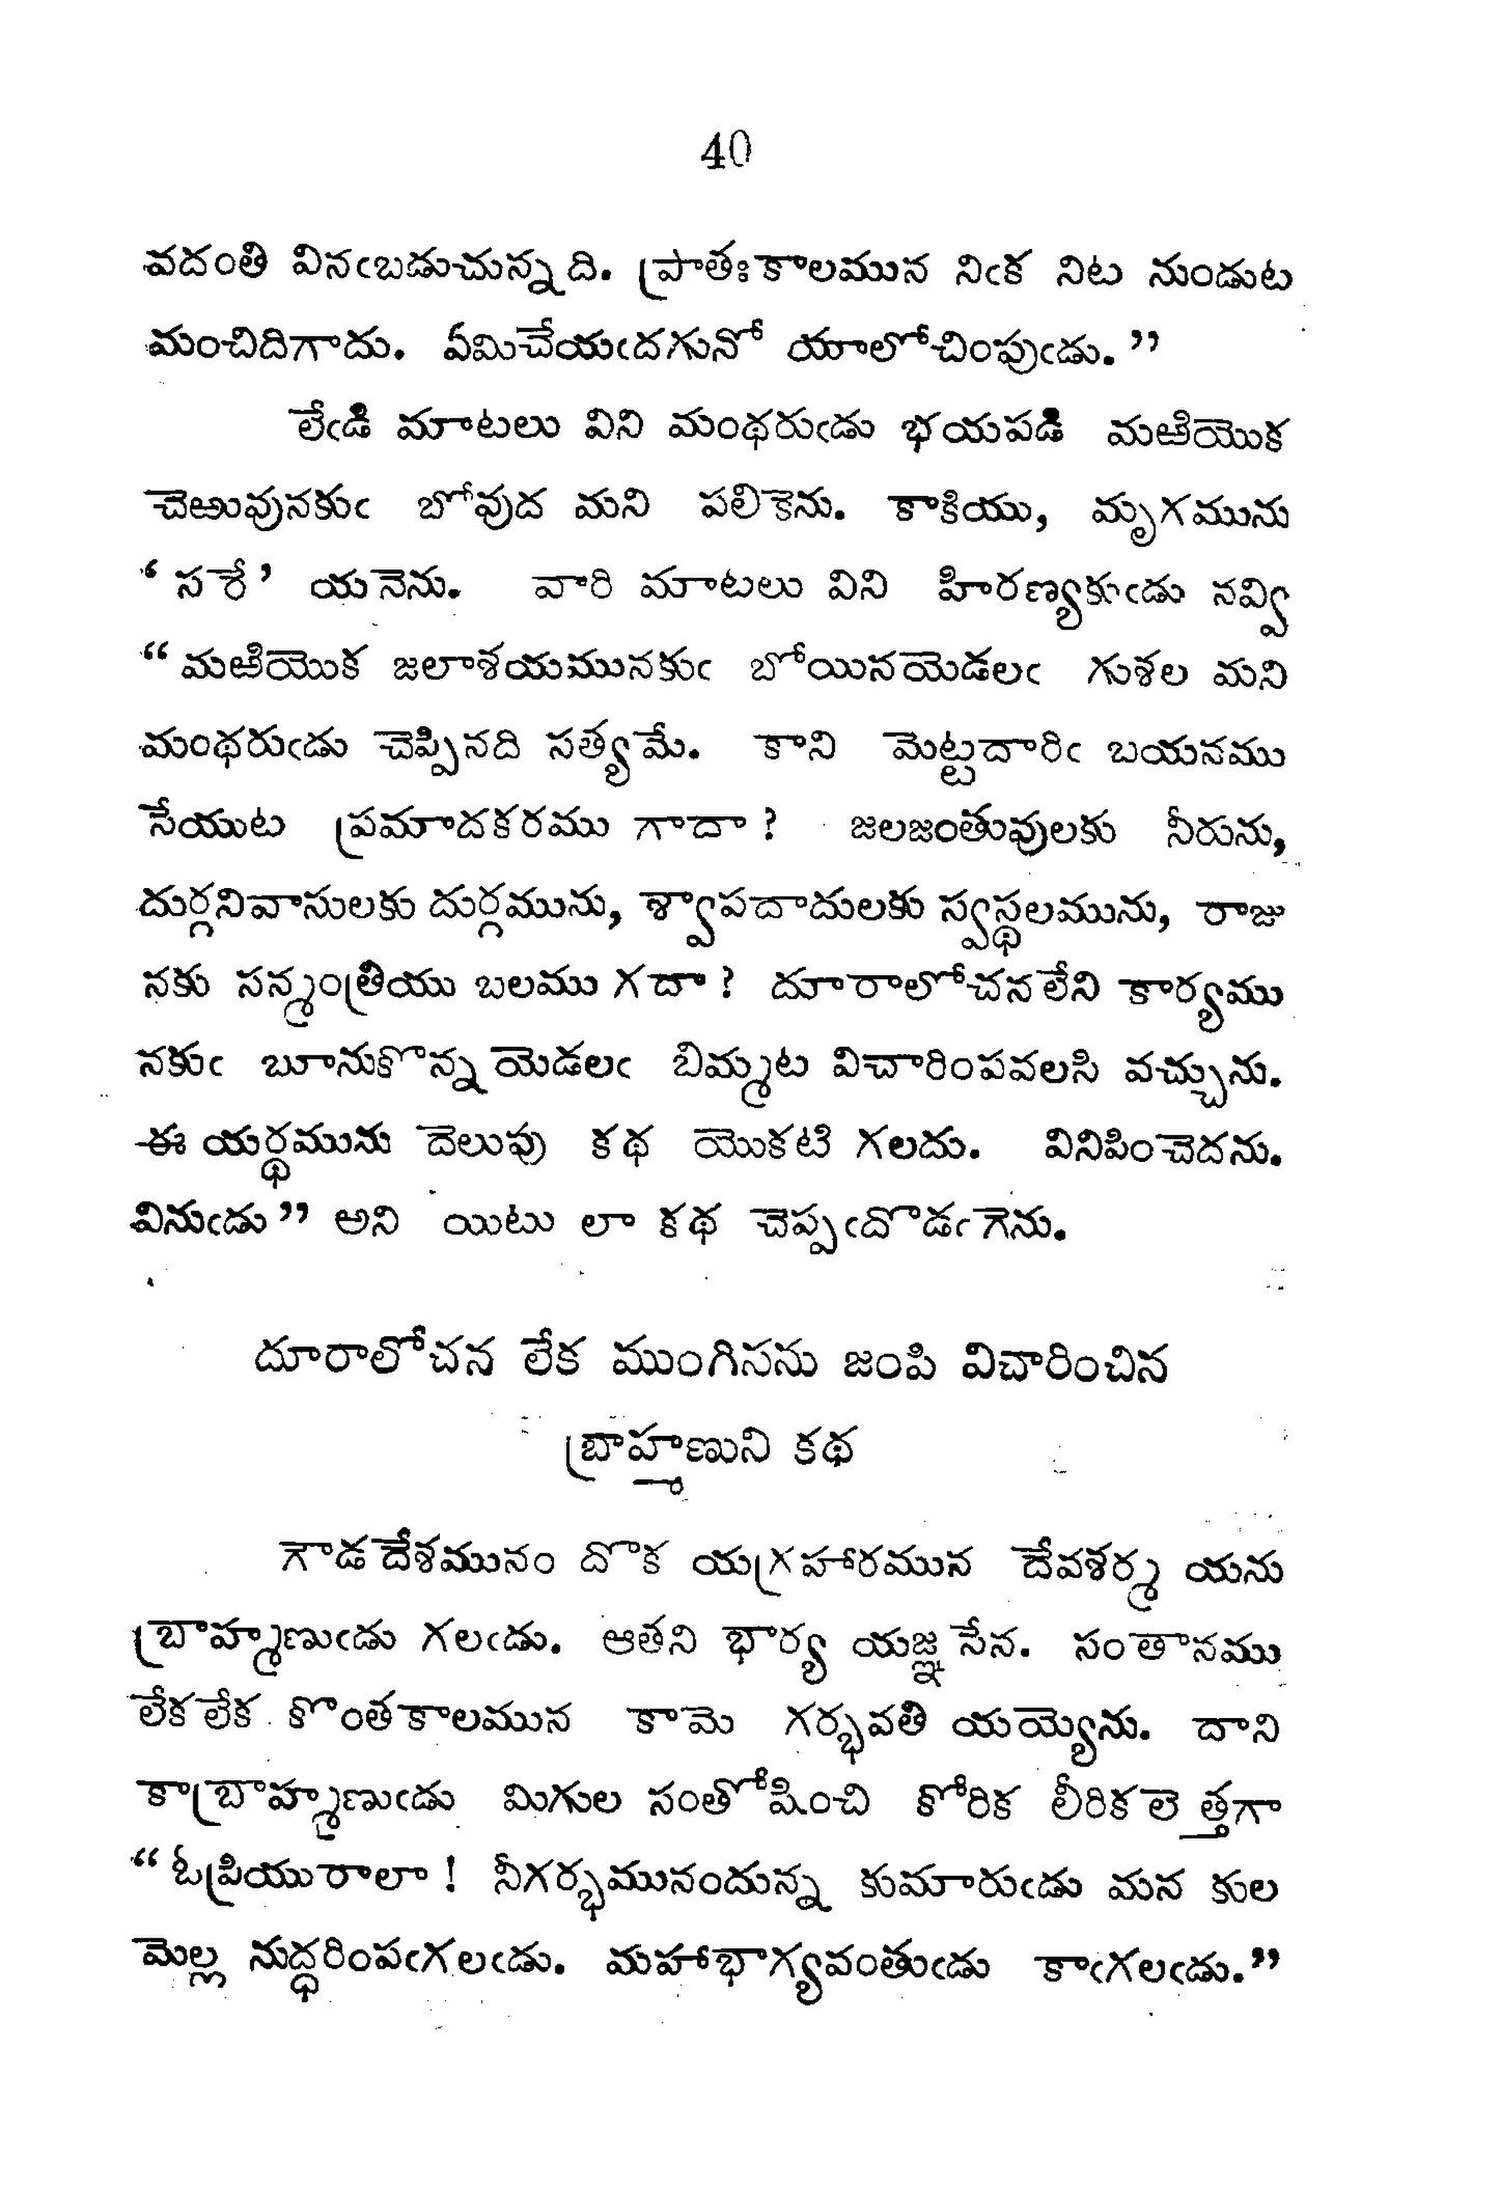వదంతి వినబడుచున్నది. ప్రాత:కాలమున నిక నిట నుండుట మంచిదిగాదు. ఏమిచేయదగునో యాలోచింపుడు."

లేడి మాటలు విని మంథరుడు భయపడి మఱియొక చెఱువునకు బోవుదు మని పలికెను. కాకియు, మృగమును "సరే" యనెను. వారి మాటలు విని హిరణ్యకుడు నవ్వి "మఱియొక జలాశయమునకు బోయినయెడల గుశల మని మంథరుడు చెప్పినది సత్యమే. కాని మెట్టదారి బయనము సేయుట ప్రమాదకరము గాదా? జలజంతువులకు నీరును,దుర్గనివాసులకు దుర్గమును, శ్వాపదాదులకు స్వస్థలమును, రాజునకు సన్మంత్రియు బలము గదా? దూరాలోచనలేని కార్యమునకు బూనుకొన్నయెడల బిమ్మట విచారింపవలసి వచ్చును. ఈ యర్థమును దెలుపు కథ యొకటి గలదు. వినిపించెదను. వినుడు" అని యిటు లా కథ చెప్పదొడగెను.

గౌడదేశమునం దొక యగ్రహారమున దేవశర్మ యను బ్రాహ్మణుడు గలడు. అతని భార్య యజ్ఞ సేన. సంతానము లేక లేక కొంతకాలమున కామె గర్భవతి యయ్యెను. దాని కాబ్రాహ్మణుడు మిగుల సంతోషించి కోరిక లీరికలెత్తగా "ఓప్రియురాలా! నీగర్భమునందున్న కుమారుడు మన కులమెల్ల నుద్ధరింపగలడు. మహాభాగ్యవంతుడు కాగలడు."